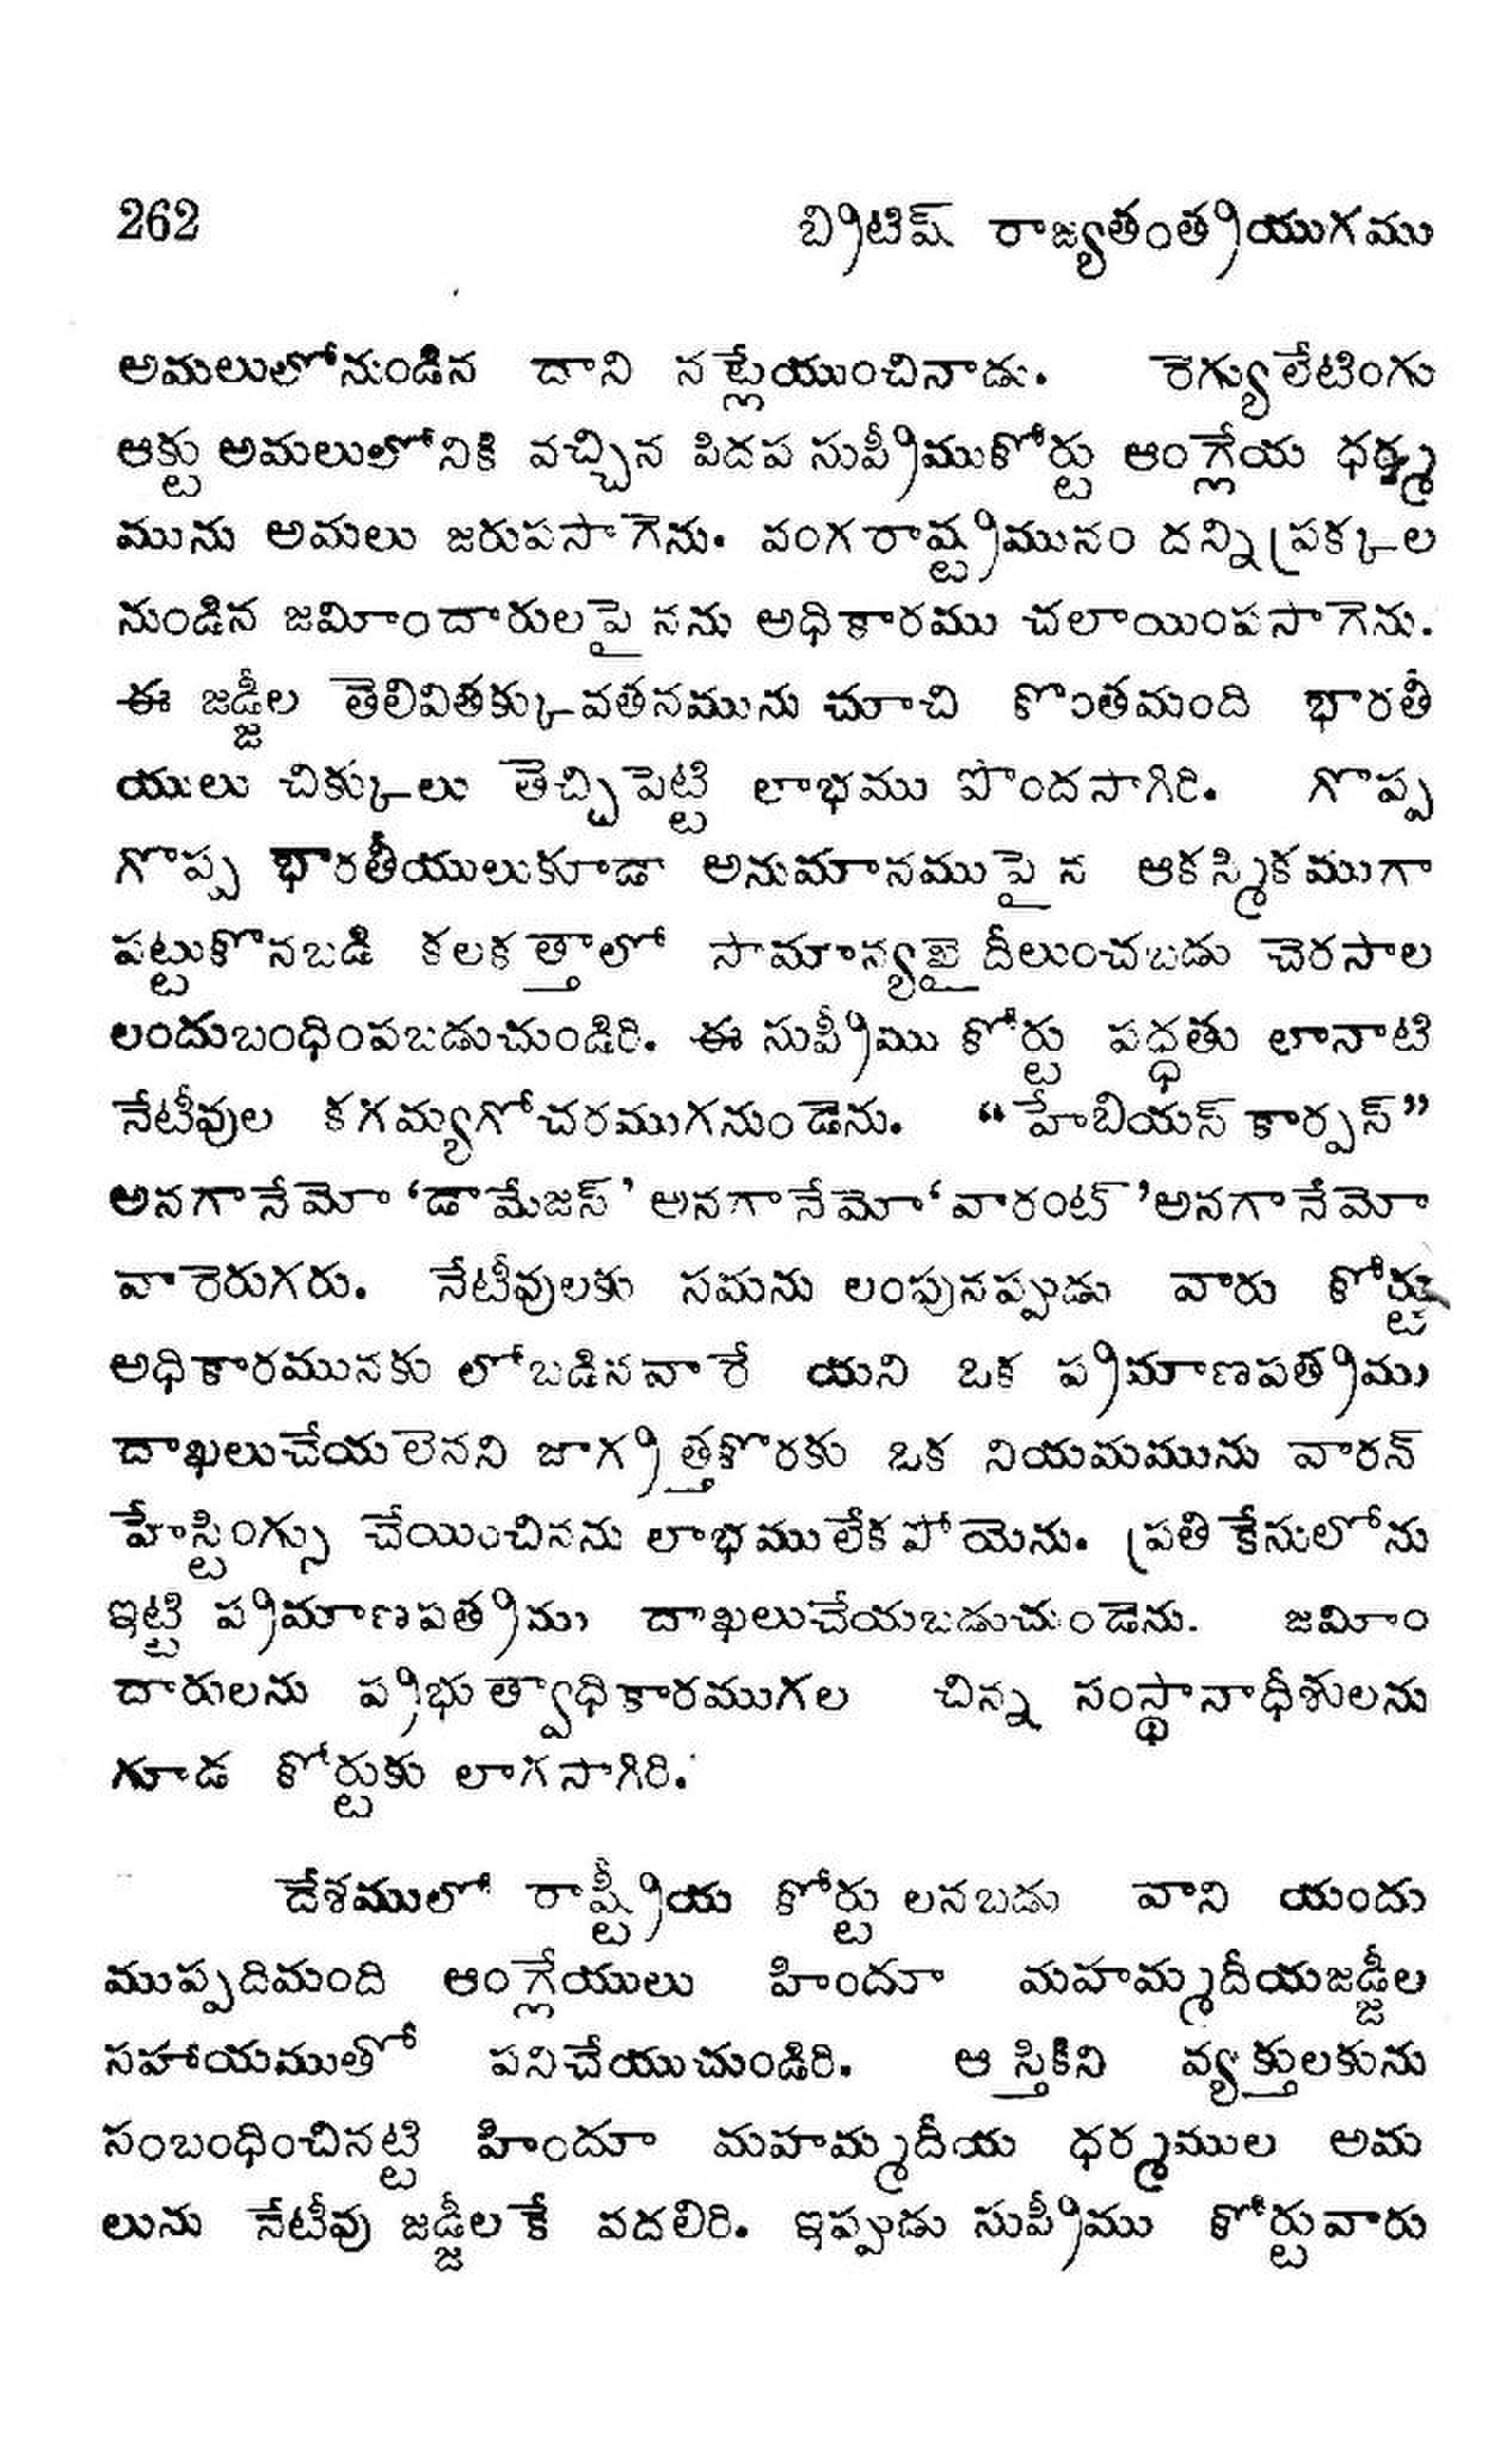అమలులోనుండిన దాని నట్లేయుంచినాడు. రెగ్యులేటింగుఆక్టు అమలులోనికి వచ్చిన పిదప సుప్రీముకోర్టు ఆంగ్లేయ ధర్మమును అమలు జరుపసాగెను. వంగరాష్ట్రమునం దన్నిప్రక్కల నుండిన జమీందారులపైనను అధికారము చలాయింపసాగెను. ఈ జడ్జీల తెలివితక్కువతనమును చూచి కొంతమంది భారతీయులు చిక్కులు తెచ్చిపెట్టి లాభము పొందసాగిరి. గొప్ప గొప్ప భారతీయులుకూడా అనుమానముపైన ఆకస్మికముగా పట్టుకొనబడి కలకత్తాలో సామాన్యఖైదీలుంచబడు చెరసాల లందుబంధింపబడుచుండిరి. ఈ సుప్రీము కోర్టు పద్దతు లానాటి నేటివుల కగమ్యగోచరముగనుండెను. " హేబియస్ కార్పస్” అనగానేమో 'డామేజస్' అనగానేమో 'వారంట్' అనగానేమో వారెరుగరు. నేటీవులకు సమను లంపునప్పుడు వారు కోర్టు అధికారమునకు లోబడినవారే యని ఒక ప్రమాణపత్రము దాఖలుచేయలేనని జాగ్రత్తకొరకు ఒక నియమమును వారన్ హేస్టింగ్సు చేయించినను లాభము లేక పోయెను. ప్రతికేసులోను ఇట్టి ప్రమాణపత్రము దాఖలుచేయబడుచుండెను. జమీందారులను ప్రభుత్వాధికారముగల చిన్న సంస్థానాధీశులను గూడ కోర్టుకు లాగసాగిరి.

దేశములో రాష్ట్రీయ కోర్టు లనబడు వాని యందు ముప్పదిమంది. ఆంగ్లేయులు హిందూ మహమ్మదీయజడ్జీల సహాయముతో పనిచేయుచుండిరి. ఆస్తికిని వ్యక్తులకును సంబంధించినట్టి హిందూ మహమ్మదీయ ధర్మముల అమలును నేటివు జడ్జీలకే వదలిరి. ఇప్పుడు సుప్రీము కోర్టువారు